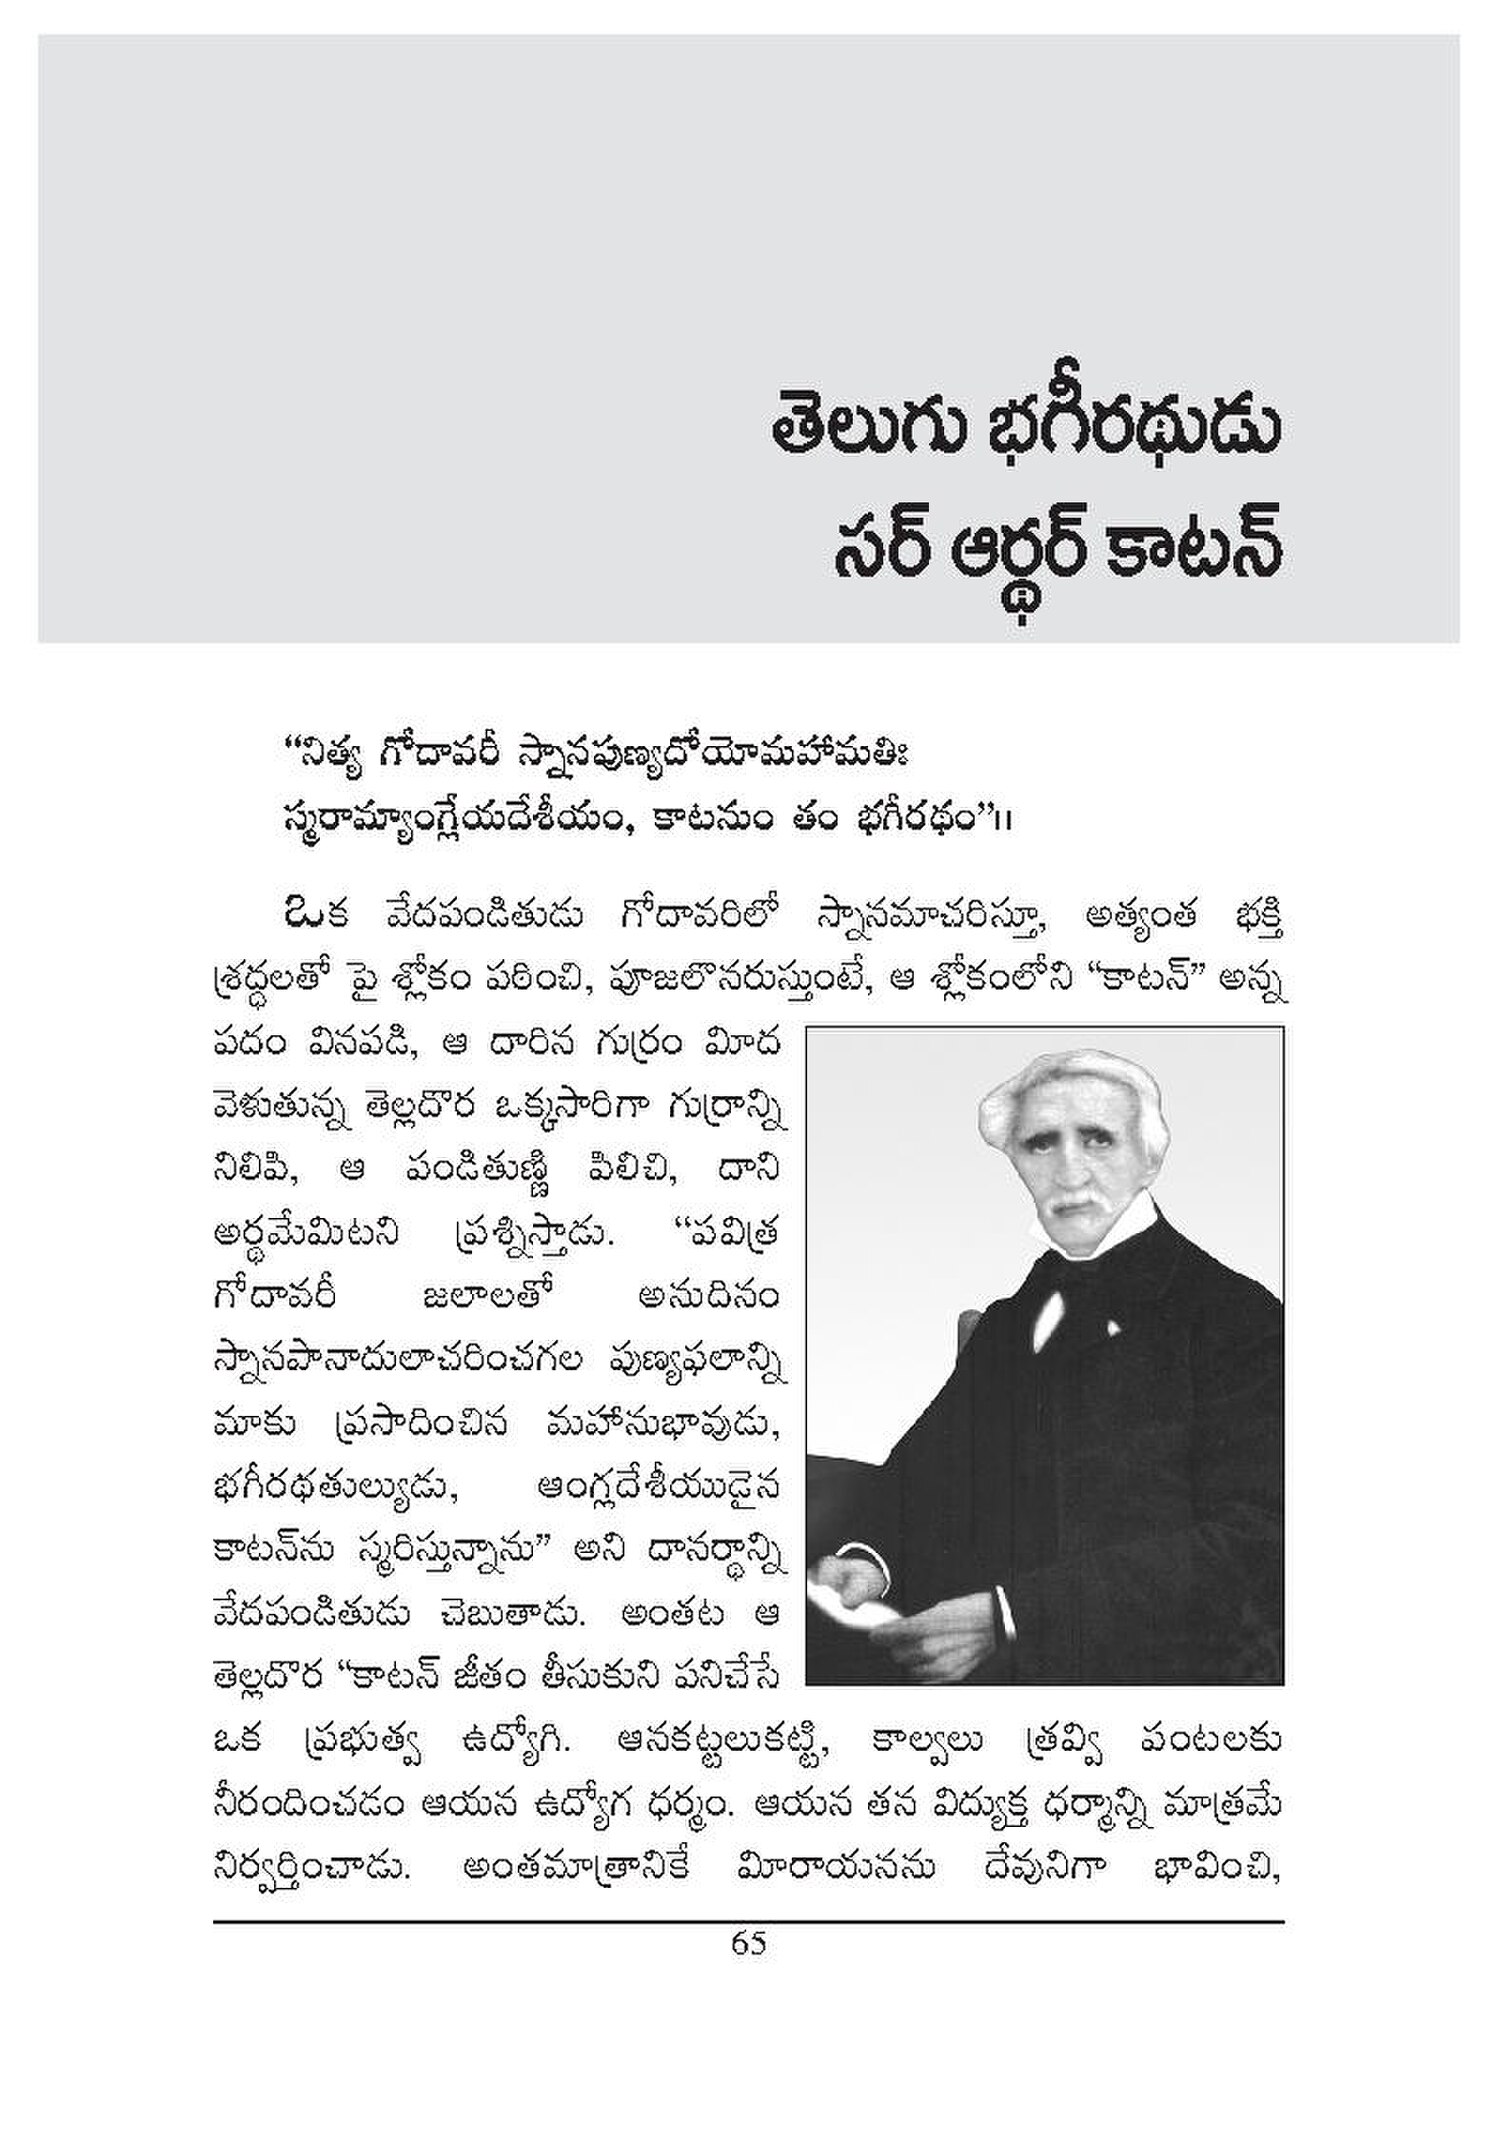తెలుగు భగీరథుడు
సర్ ఆర్థర్ కాటన్
"నిత్య గోదావరీ స్నానపుణ్యదోయోమహామతిః 
స్మరామ్యాంగ్లేయదేశీయం, కాటనుం తం భగీరథం"॥ 

ఒక వేదపండితుడు గోదావరిలో స్నానమాచరిస్తూ, అత్యంత భక్తి శ్రద్ధలతో పై శ్లోకం పఠించి, పూజలొనరుస్తుంటే, ఆ శ్లోకంలోని "కాటన్" అన్న పదం వినపడి, ఆ దారిన గుర్రం విూద వెళుతున్న తెల్లదొర ఒక్కసారిగా గుర్రాన్ని నిలిపి, ఆ పండితుణ్ణి పిలిచి, దాని అర్థమేమిటని ప్రశ్నిసాడు. "పవిత్ర గోదావరీ జలాలతో అనుదినం స్నానపానాదులాచరించగల పుణ్యఫలాన్ని మాకు ప్రసాదించిన మహానుభావుడు, భగీరథతుల్యుడు, ఆంగ్లదేశీయుడైన కాటన్ను స్మరిస్తున్నాను" అని దానర్ధాన్ని వేదపండితుడు చెబుతాడు. అంతట ఆ తెల్లదొర "కాటన్ జీతం తీసుకుని పనిచేసే
ఒక ప్రభుత్వ ఉద్యోగి. ఆనకట్టలుకట్టి, కాల్వలు త్రవ్వి పంటలకు నీరందించడం ఆయన ఉద్యోగ ధర్మం. ఆయన తన విద్యుక్త ధర్మాన్ని మాత్రమే నిర్వర్తించాడు. అంతమాత్రానికే విూరాయనను దేవునిగా భావించి,